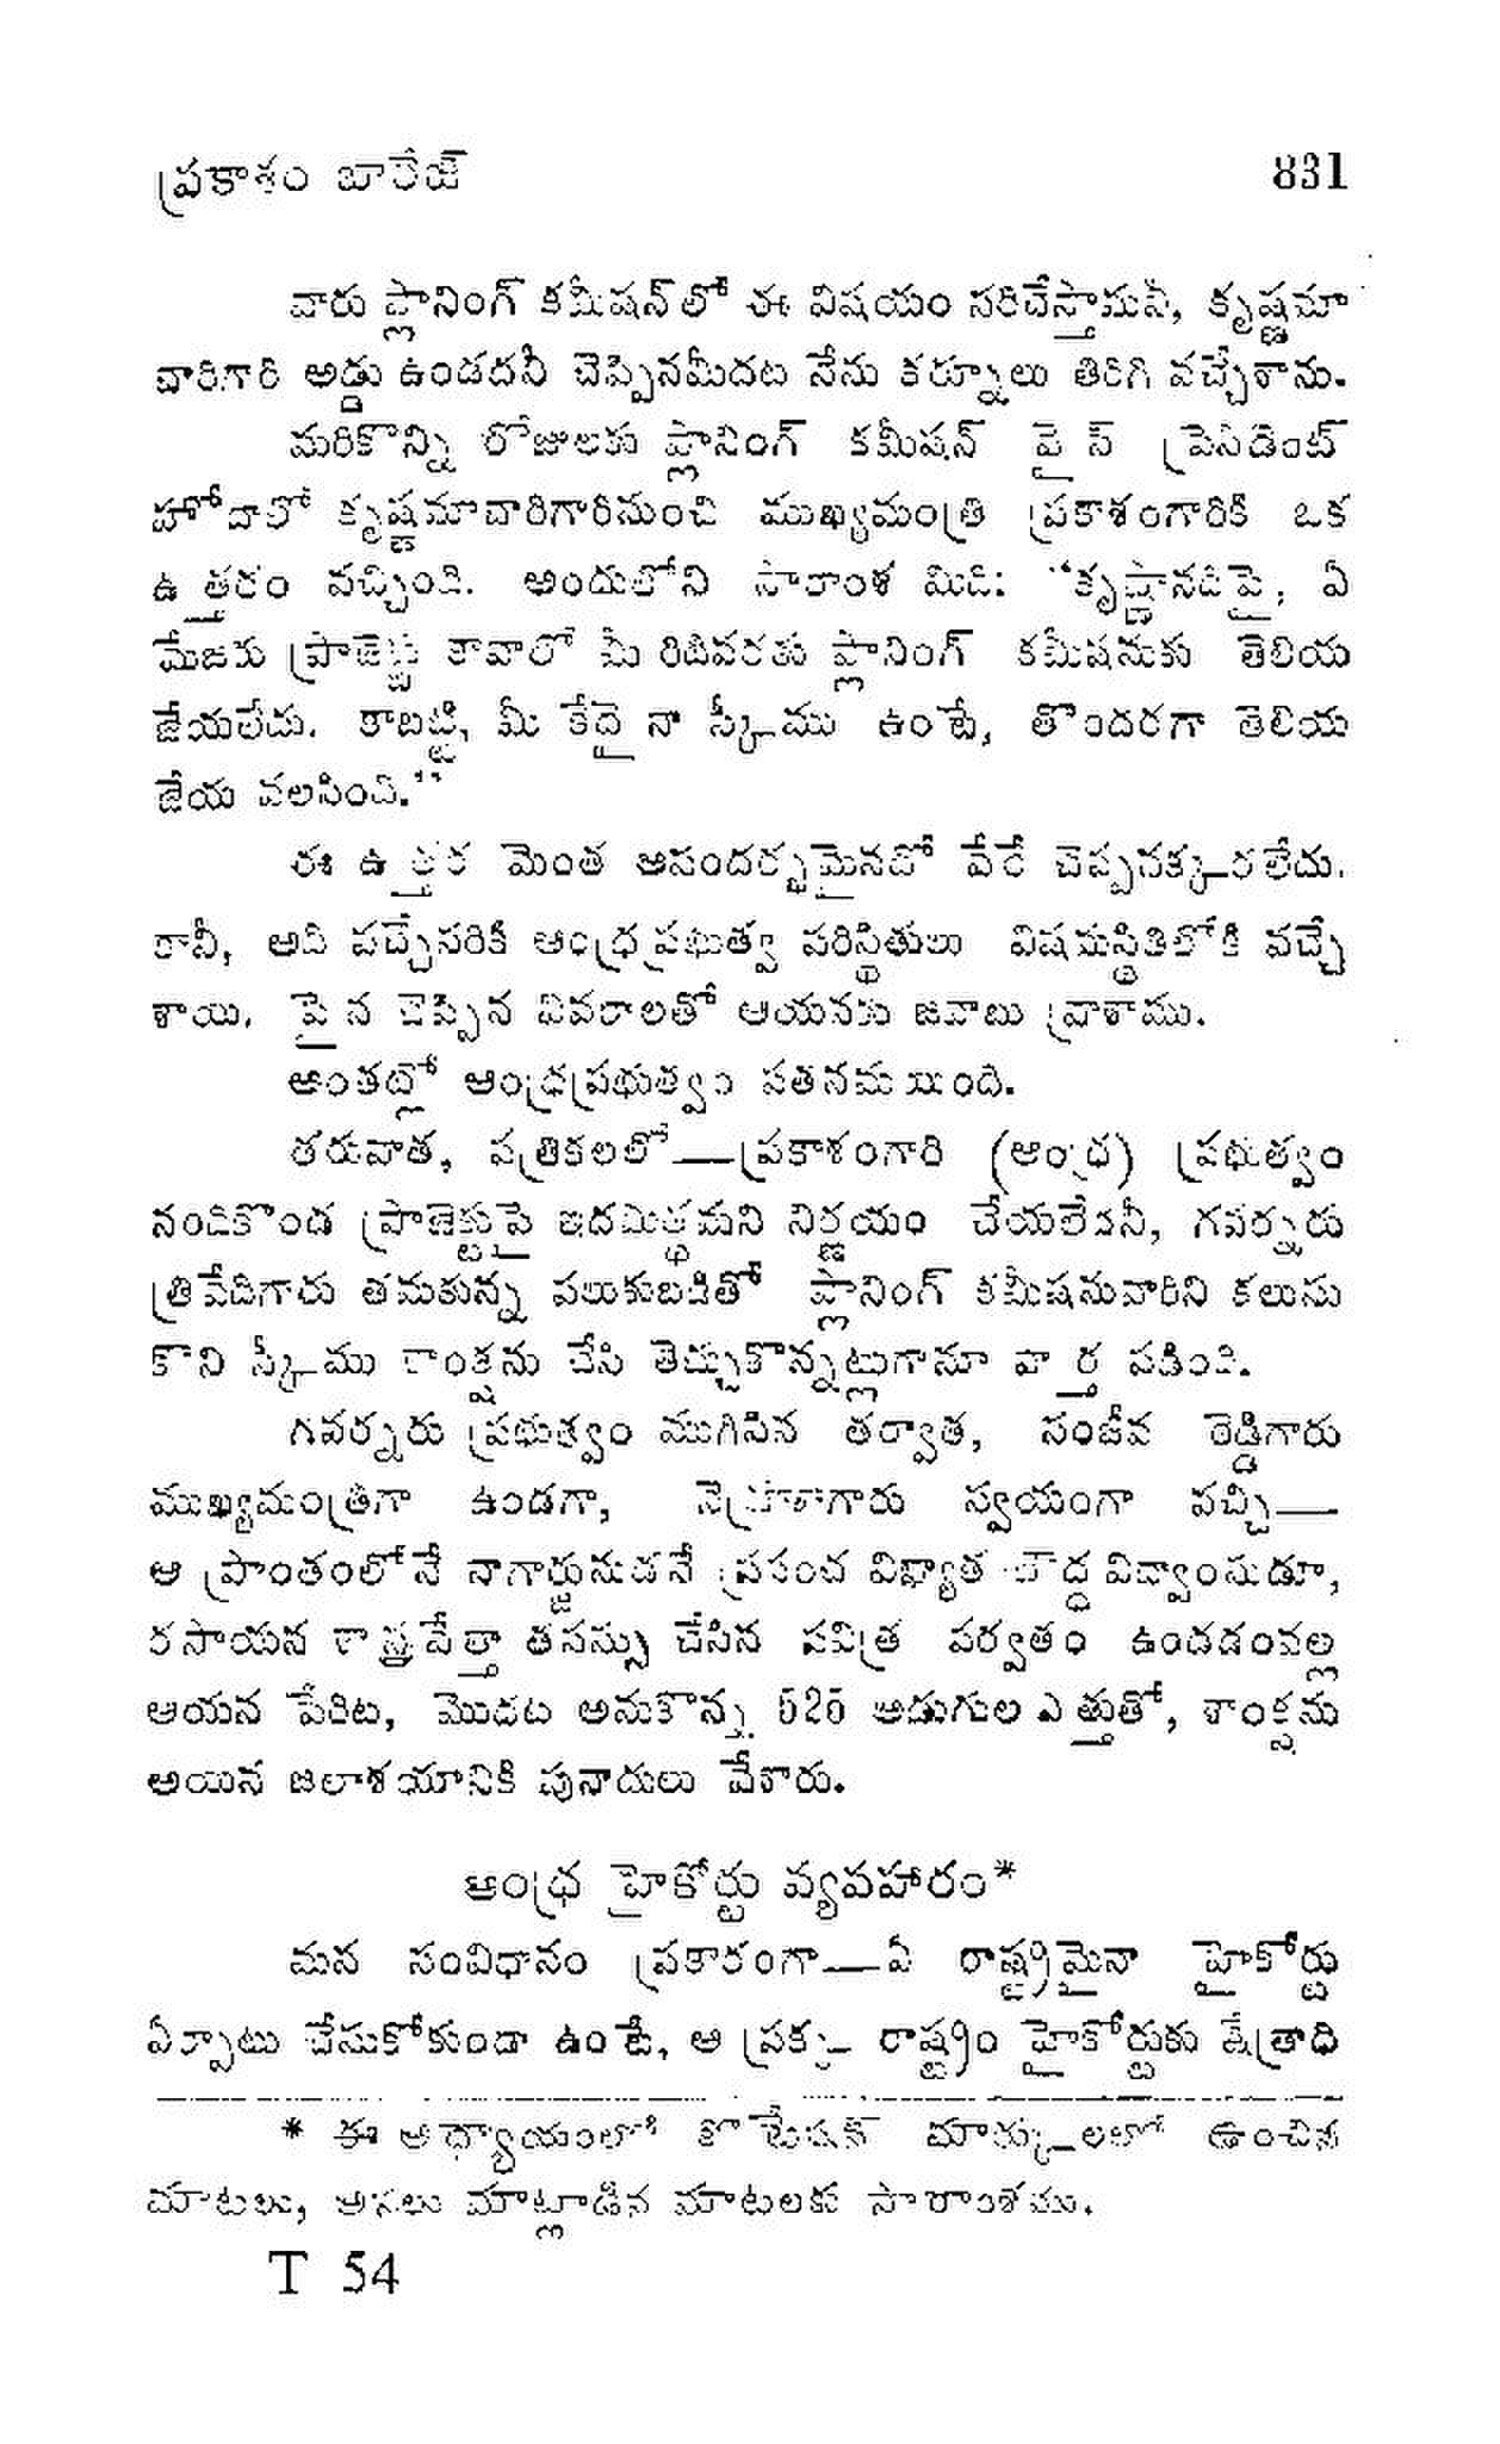వారు ప్లానింగ్ కమీషన్‌లో ఈ విషయం సరిచేస్తామని, కృష్ణమాచారిగారి అడ్డు ఉండదనీ చెప్పినమీదట నేను కర్నూలు తిరిగి వచ్చేశాను.

మరికొన్ని రోజులకు ప్లానింగ్ కమీషన్ వైస్ ప్రెసిడెంట్ హోదాలో కృష్ణమాచారిగారినుంచి ముఖ్యమంత్రి ప్రకాశంగారికి ఒక ఉత్తరం వచ్చింది. అందులోని సారాంశ మిది: "కృష్ణానదిపై, ఏ మేజరు ప్రాజెక్టు కావాలో మీ రిదివరకు ప్లానింగ్ కమీషనుకు తెలియజేయలేదు. కాబట్టి, మీ కేదైన స్కీము ఉంటే, తొందరగా తెలియజేయ వలసింది."

ఈ ఉత్తర మెంత అసందర్భమైనదో వేరే చెప్పనక్కరలేదు. కానీ, అది వచ్చేసరికి ఆంధ్రప్రభుత్వ పరిస్థితులు విషమస్థితిలోకి వచ్చేశాయి. పైన చెప్పిన వివరాలతో ఆయనకు జవాబు వ్రాశాము.

అంతట్లో ఆంధ్రప్రభుత్వం పతనమయింది.

తరువాత, పత్రికలలో - ప్రకాశంగారి (ఆంధ్ర) ప్రభుత్వం నందికొండ ప్రాజెక్టుపై ఇదమిత్థమని నిర్ణయం చేయలేదనీ, గవర్నరు త్రివేదిగారు తమకున్న పలుకుబడితో ప్లానింగ్ కమీషనువారిని కలుసుకొని స్కీము శాంక్షను చేసి తెచ్చికొన్నట్లుగానూ వార్త పడింది.

గవర్నరు ప్రభుత్వం ముగిసిన తర్వాత, సంజీవ రెడ్డిగారు ముఖ్యమంత్రిగా ఉండగా, నెహ్రూగారు స్వయంగా వచ్చి - ఆ ప్రాంతంలోనే నాగార్జునుడనే ప్రపంచ విఖ్యాత బౌద్ద విద్వాంసుడూ, రసాయన శాస్త్రవేత్తా తపస్సు చేసిన పవిత్ర పర్వతం ఉండడంవల్ల ఆయన పేరిట, మొదట అనుకొన్న 525 అడుగుల ఎత్తుతో, శాంక్షను అయిన జలాశయానికి పునాదులు వేశారు.

మన సంవిధానం ప్రకారంగా - ఏ రాష్ట్రమైనా హైకోర్టు ఏర్పాటు చేసుకోకుండా ఉంటే, ఆ ప్రక్క - రాష్ట్రం హైకోర్టుకు క్షేత్రాధి